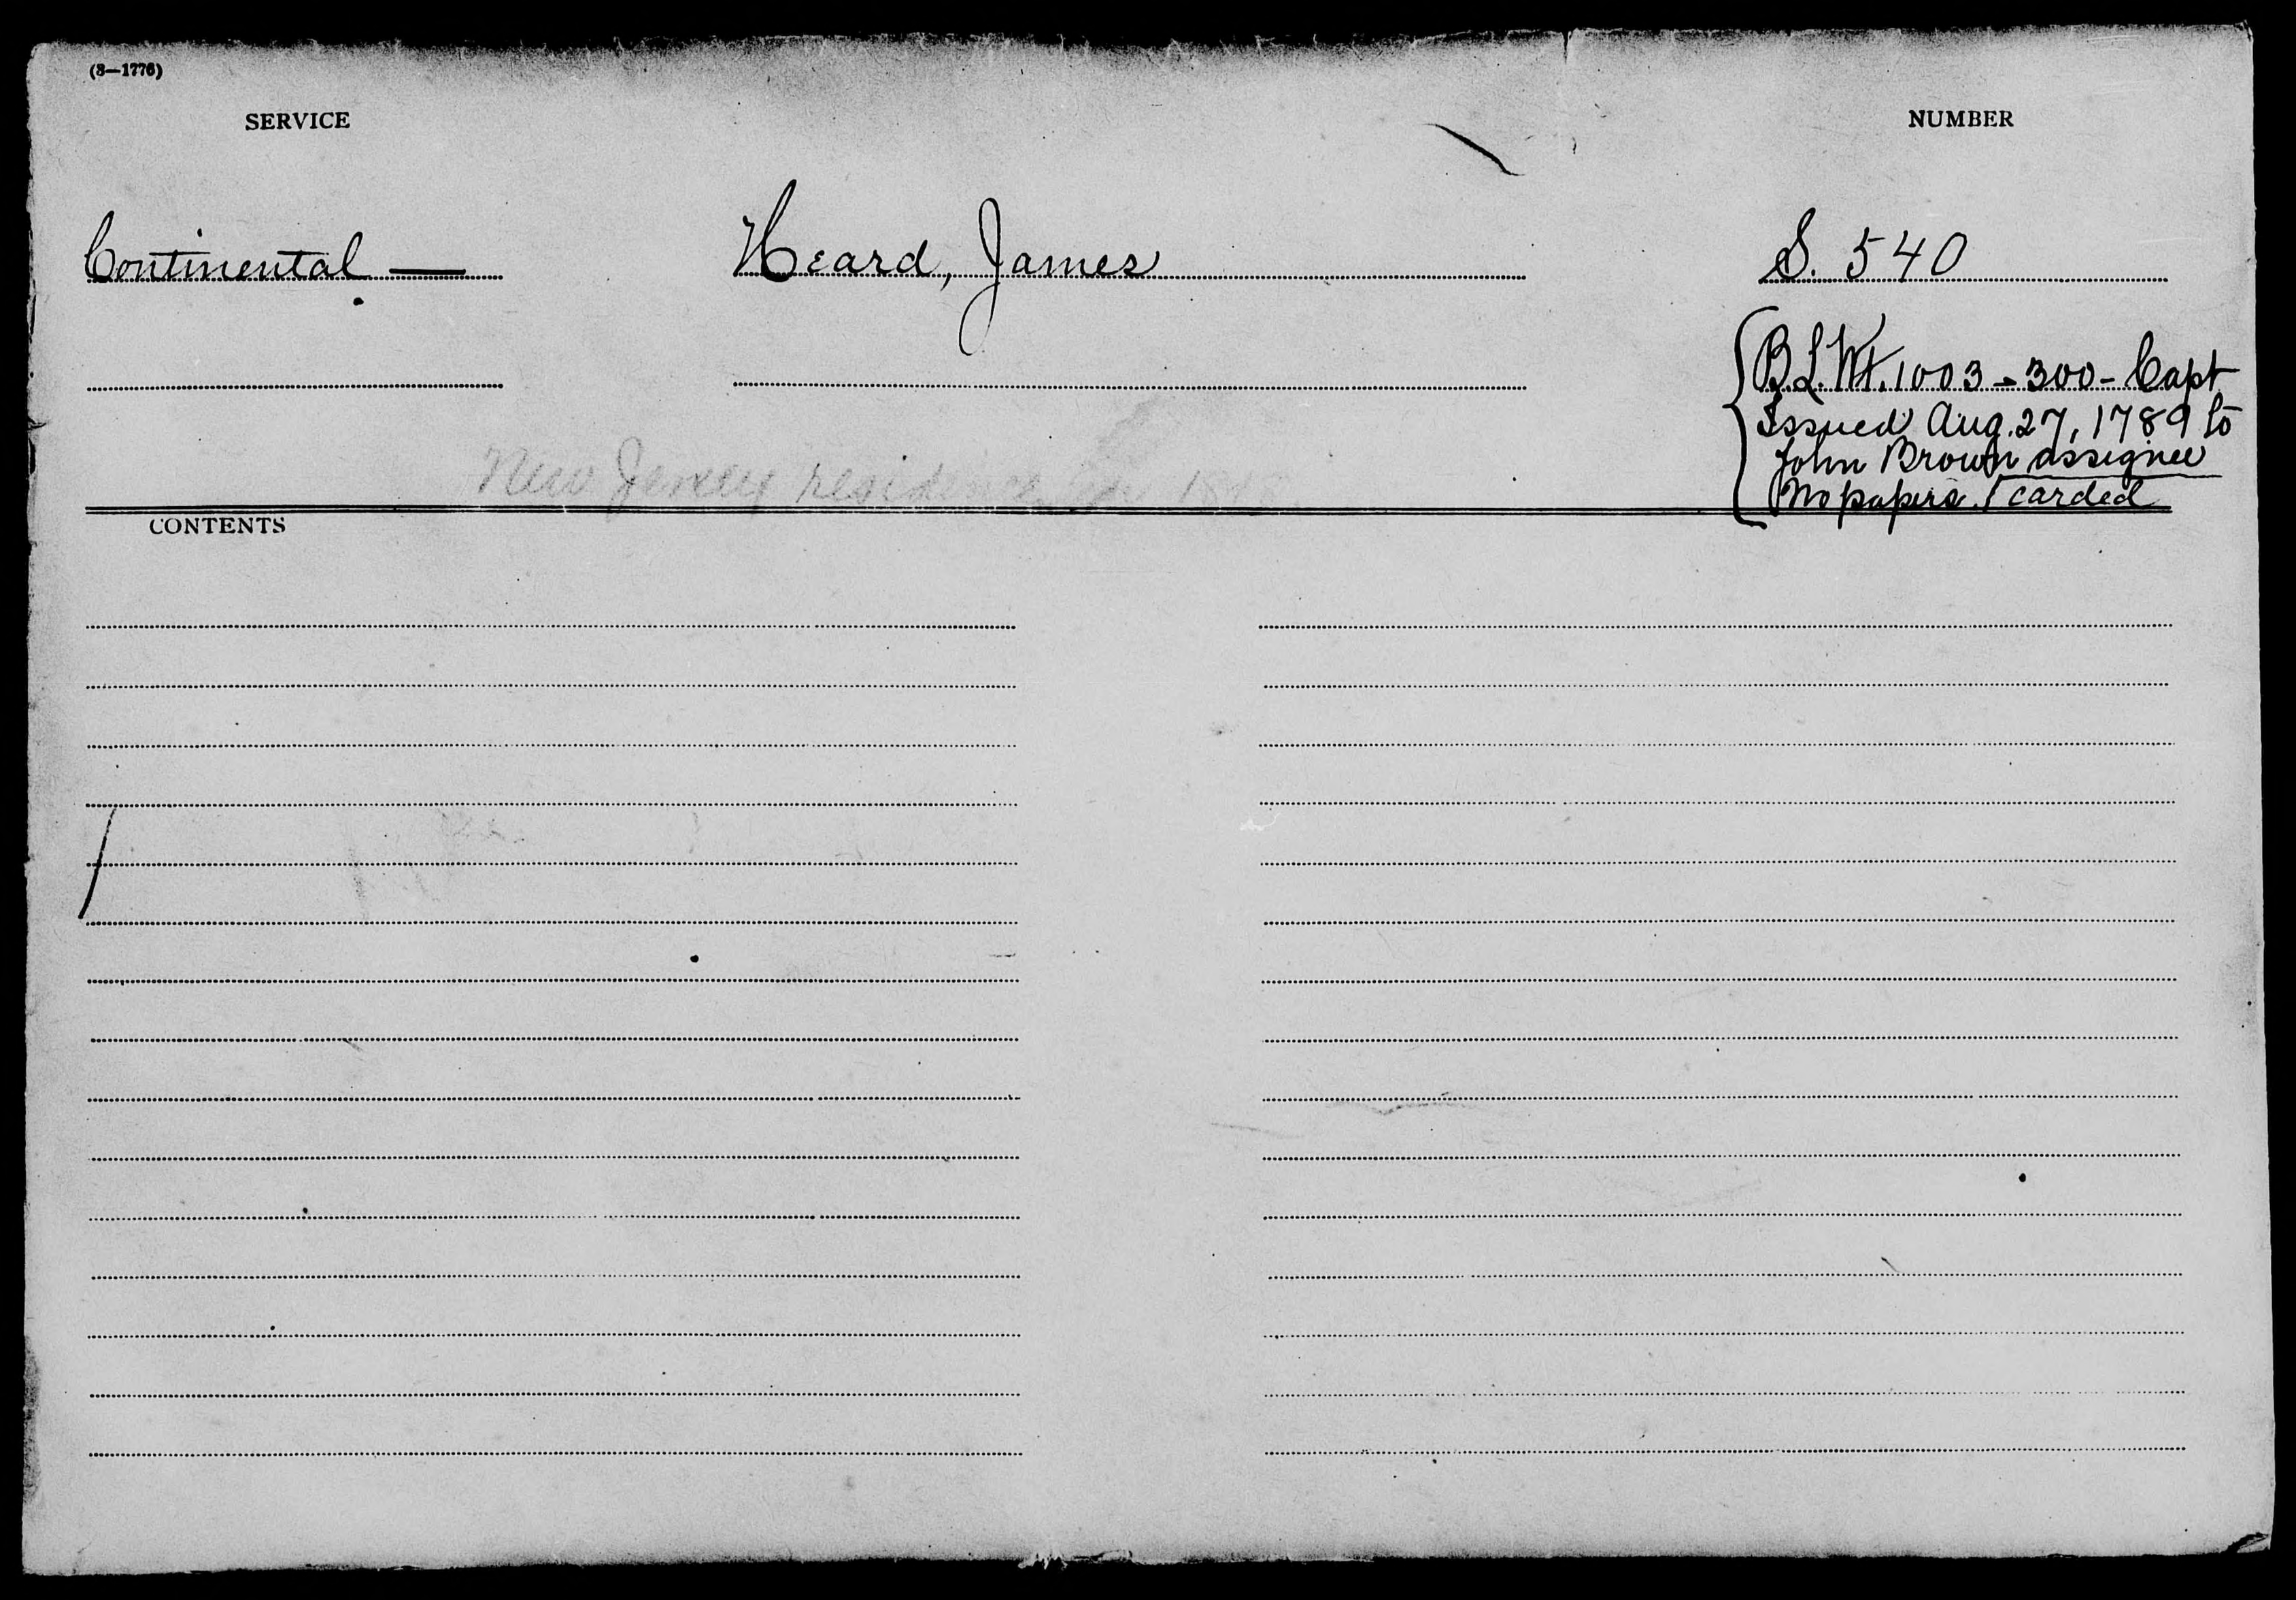Service Continental Heard, James Number S.540 BLWT. 1003-300-Capt. Issued August 27, 1789 to John Brown assignee. No purpose carded.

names: John Brown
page: 1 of 62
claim: survivor's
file: S. 540, James Heard, Continental - New Jersey Residence In 1818